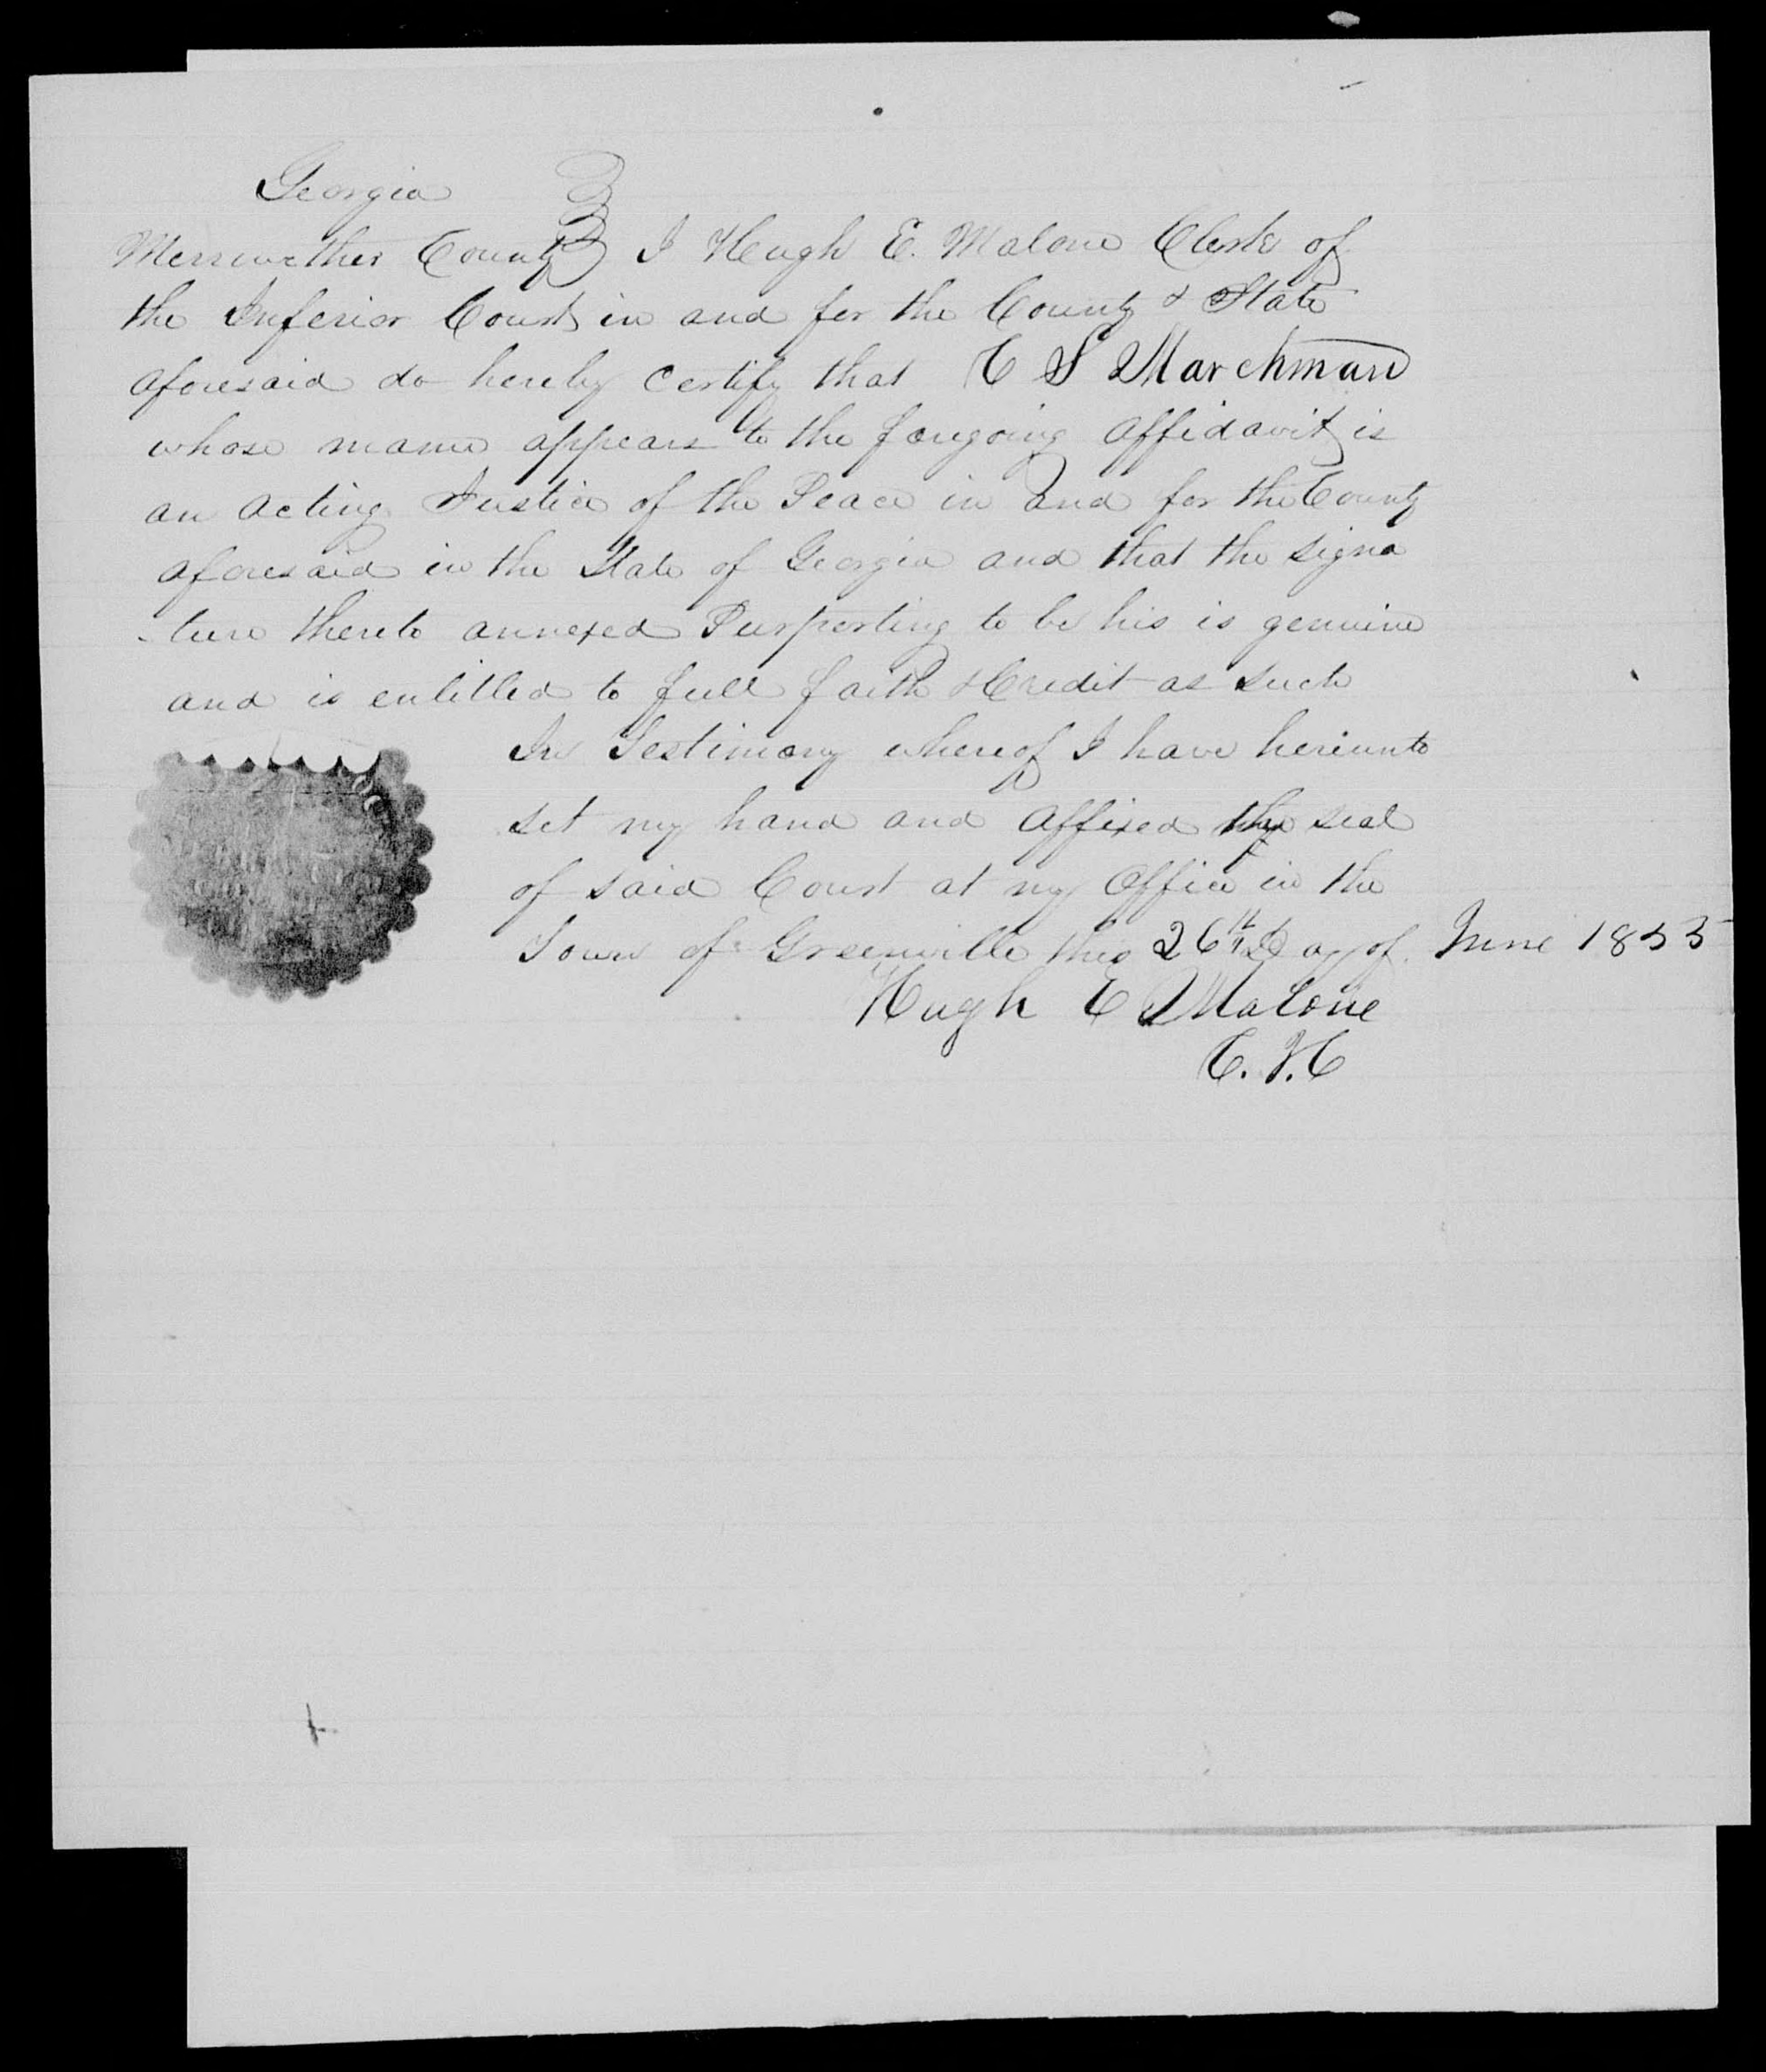Georgia
Merriwether County⎬ I Hugh E. Malone Clerk of
the Inferior Court in and for the County & State
aforesaid do hereby certify that C S Marchman whose name appears to the foregoing affidavit is an acting Justice of the Peace in and for the County aforesaid in the State of Georgia and that the signature thereto annexed purporting to be his is genuine and is entitled to full faith & credit as such 
In Testimony whereof I have hereunto
set my hand and affixed the seal
of said Court at my Office in the
Town of Greenville this 26th day of June 1855
Hugh Malone
C.J.C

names: C S Marchman, Hugh E Malone, Hugh E Malone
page: 40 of 63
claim: widow's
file: W. 4175, Joseph Davidson, N.C.